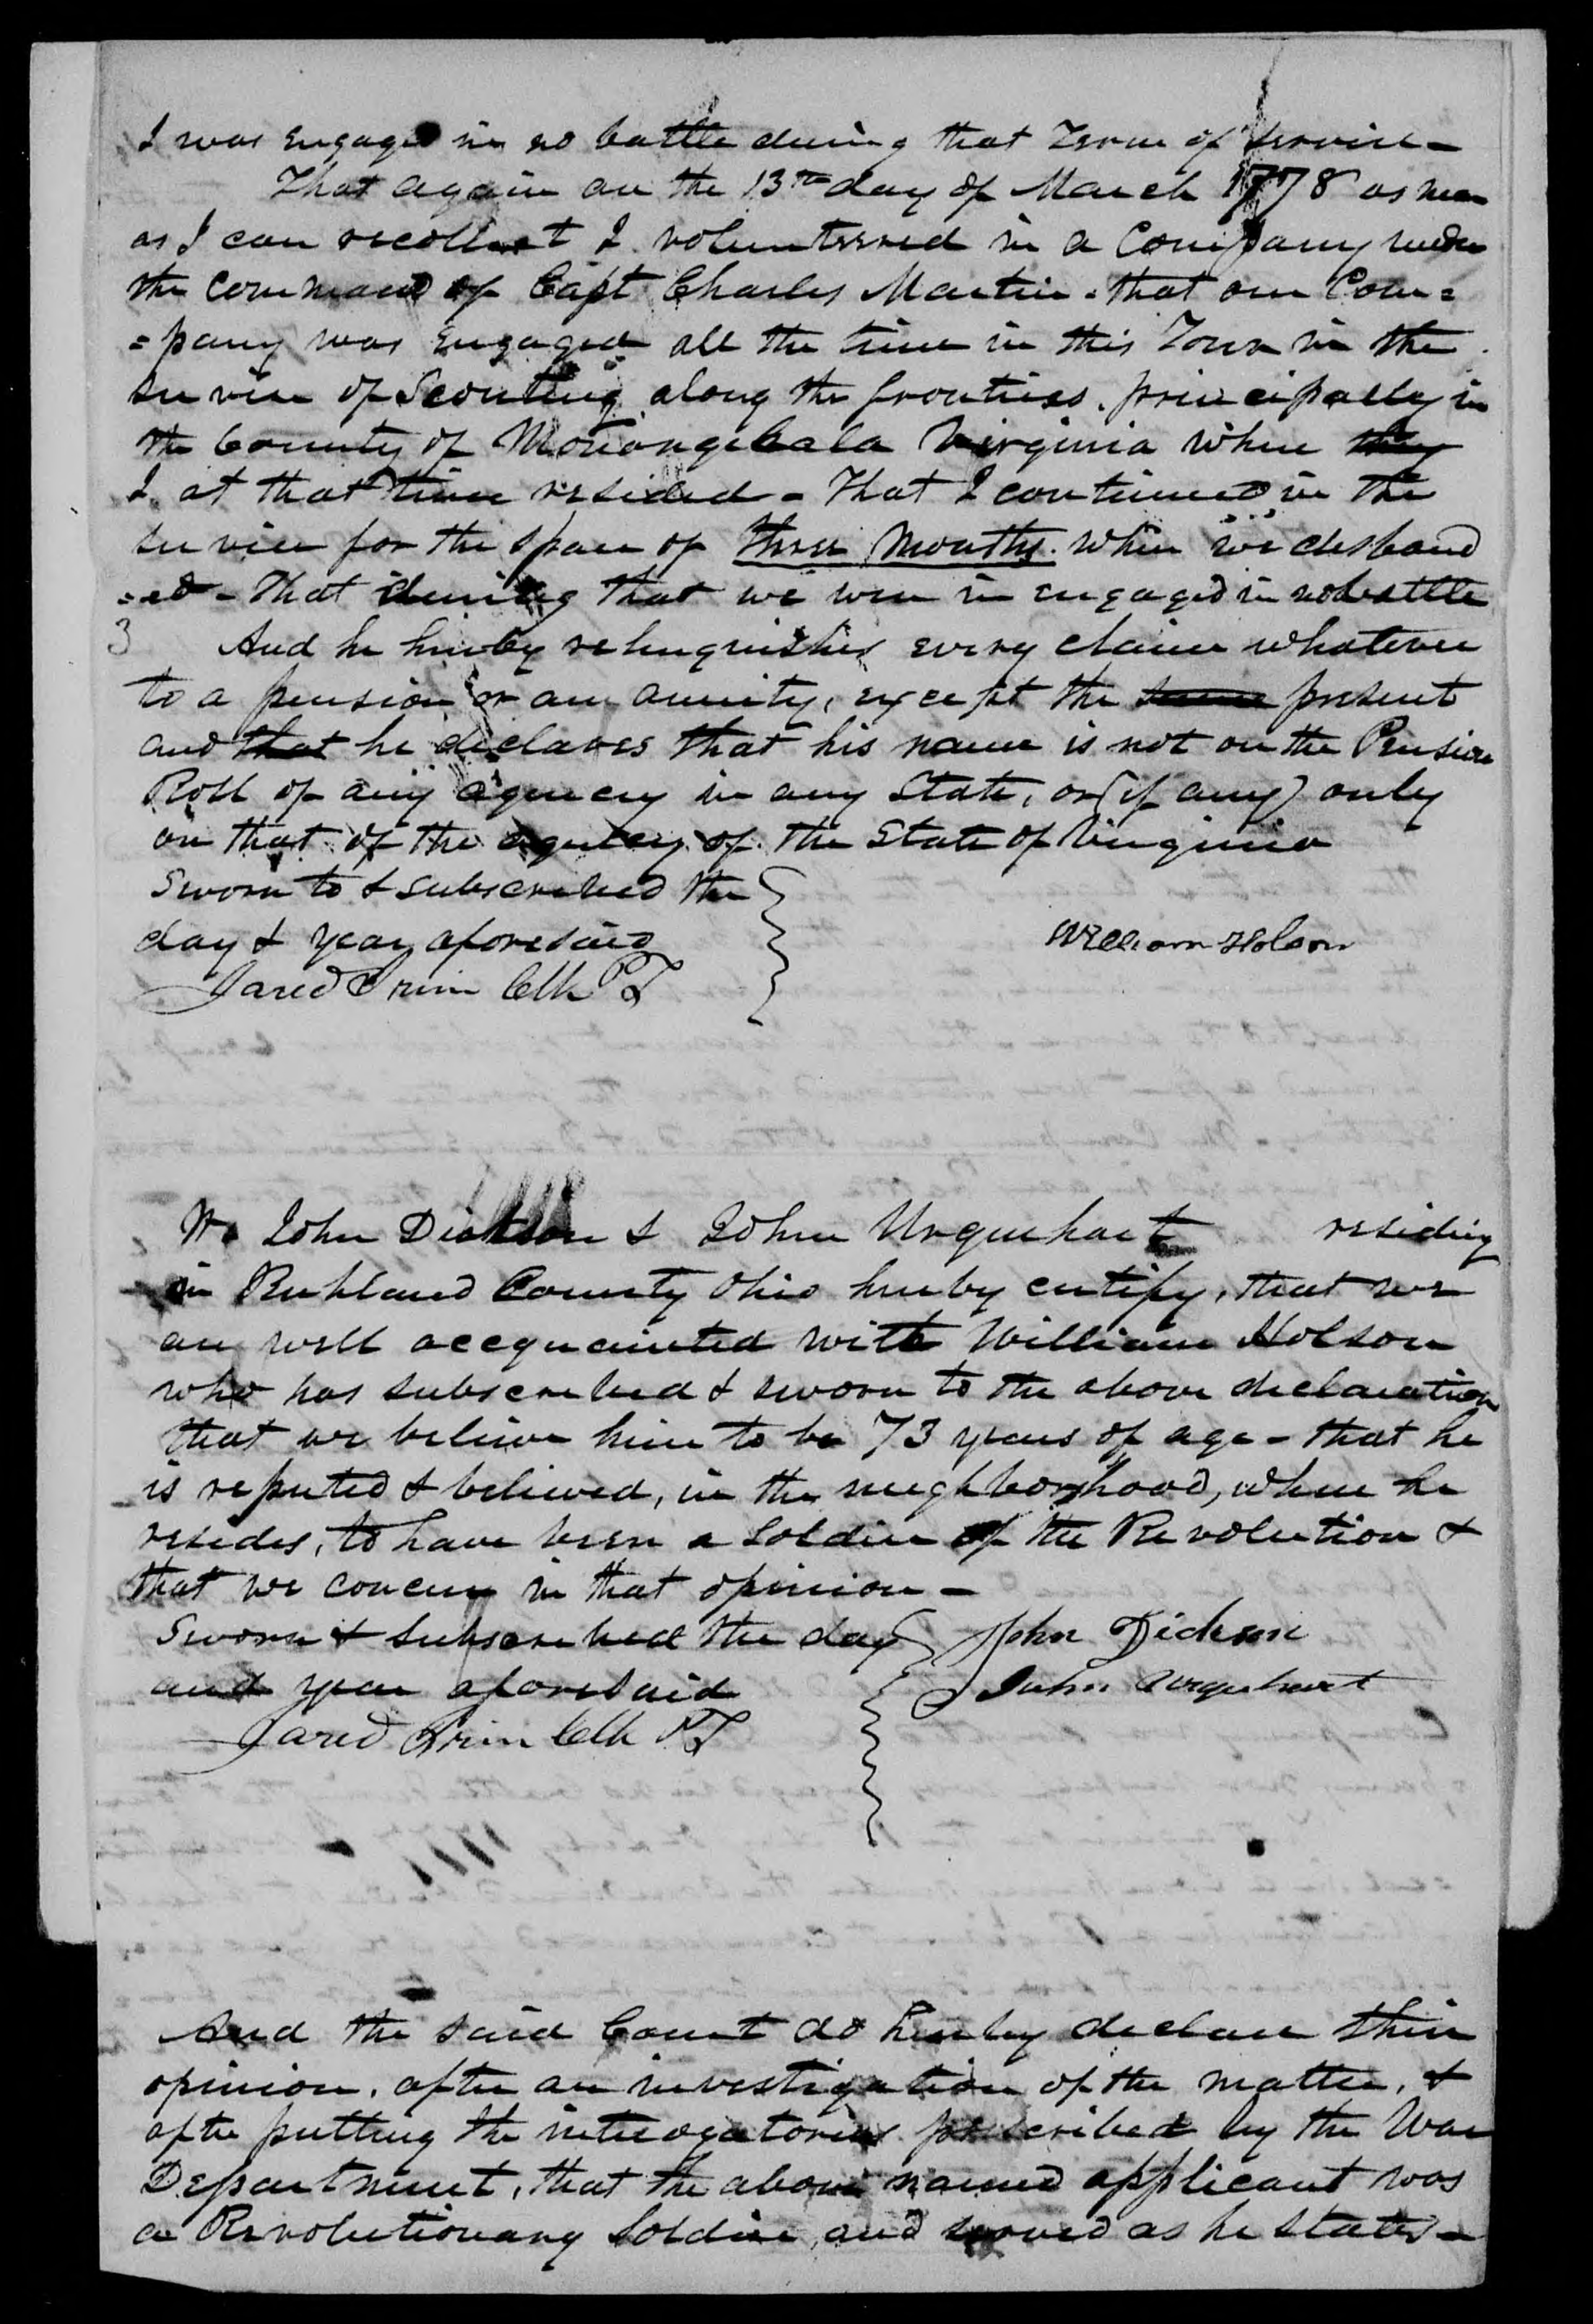I was engaged in no battle during that term of service -
That again on the 13th day of March 1778 as near as I can recollect I volunteered in a company under the Command of Capt Charles Martin that our Company was Engaged all the time in this Town in the service of Scouting along the frontiers, principally in the County of Monongehala [sic] Virginia where [marked out: they]
I at that time resided.  That I continued in the service for the space of three months. When we disbanded. That during that we were in engaged in no batle.
And he hereby relinquishes every claim whatever to a pension or any annuity except the present and that he declares that his name is not on the Pension Roll of any agency in any State, or (if any) only on that of the agency of the State of Virginia 
William Holson
Sworn to & subscribed the}
day & year aforesaid}
Jared Irvin Clk PL

We John Dickson & John Urquehart residing in Richland County Ohio hereby certify that we are well acquainted with William Holson who has subscribed & sworn to the above declaration, that we believe him to be 73 years of ages - that he is reputed & believed, in the neighborhood, where hi resides, to have been a soldier of the Revolution & that we concur in that opinion -
John Dickson
John Urquehart
Sworn & Subscribed the day}
and year aforesaid}
Jared Irvin Clk PL

And the said Court do hereby declare their opinion, after an investigation of the matter, & of the putting the interrogatories prescribed by the War Department, that the above named applicant was a Revolutionary Soldier and served as he states -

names: Jared Irvin, William Holson, William Holson, John Urquhart, Johne Urquehart, Jared Irwin, John Dickson, Charles Martin, John Dickson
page: 4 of 33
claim: survivor's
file: S. 9587, William Holson, Va.